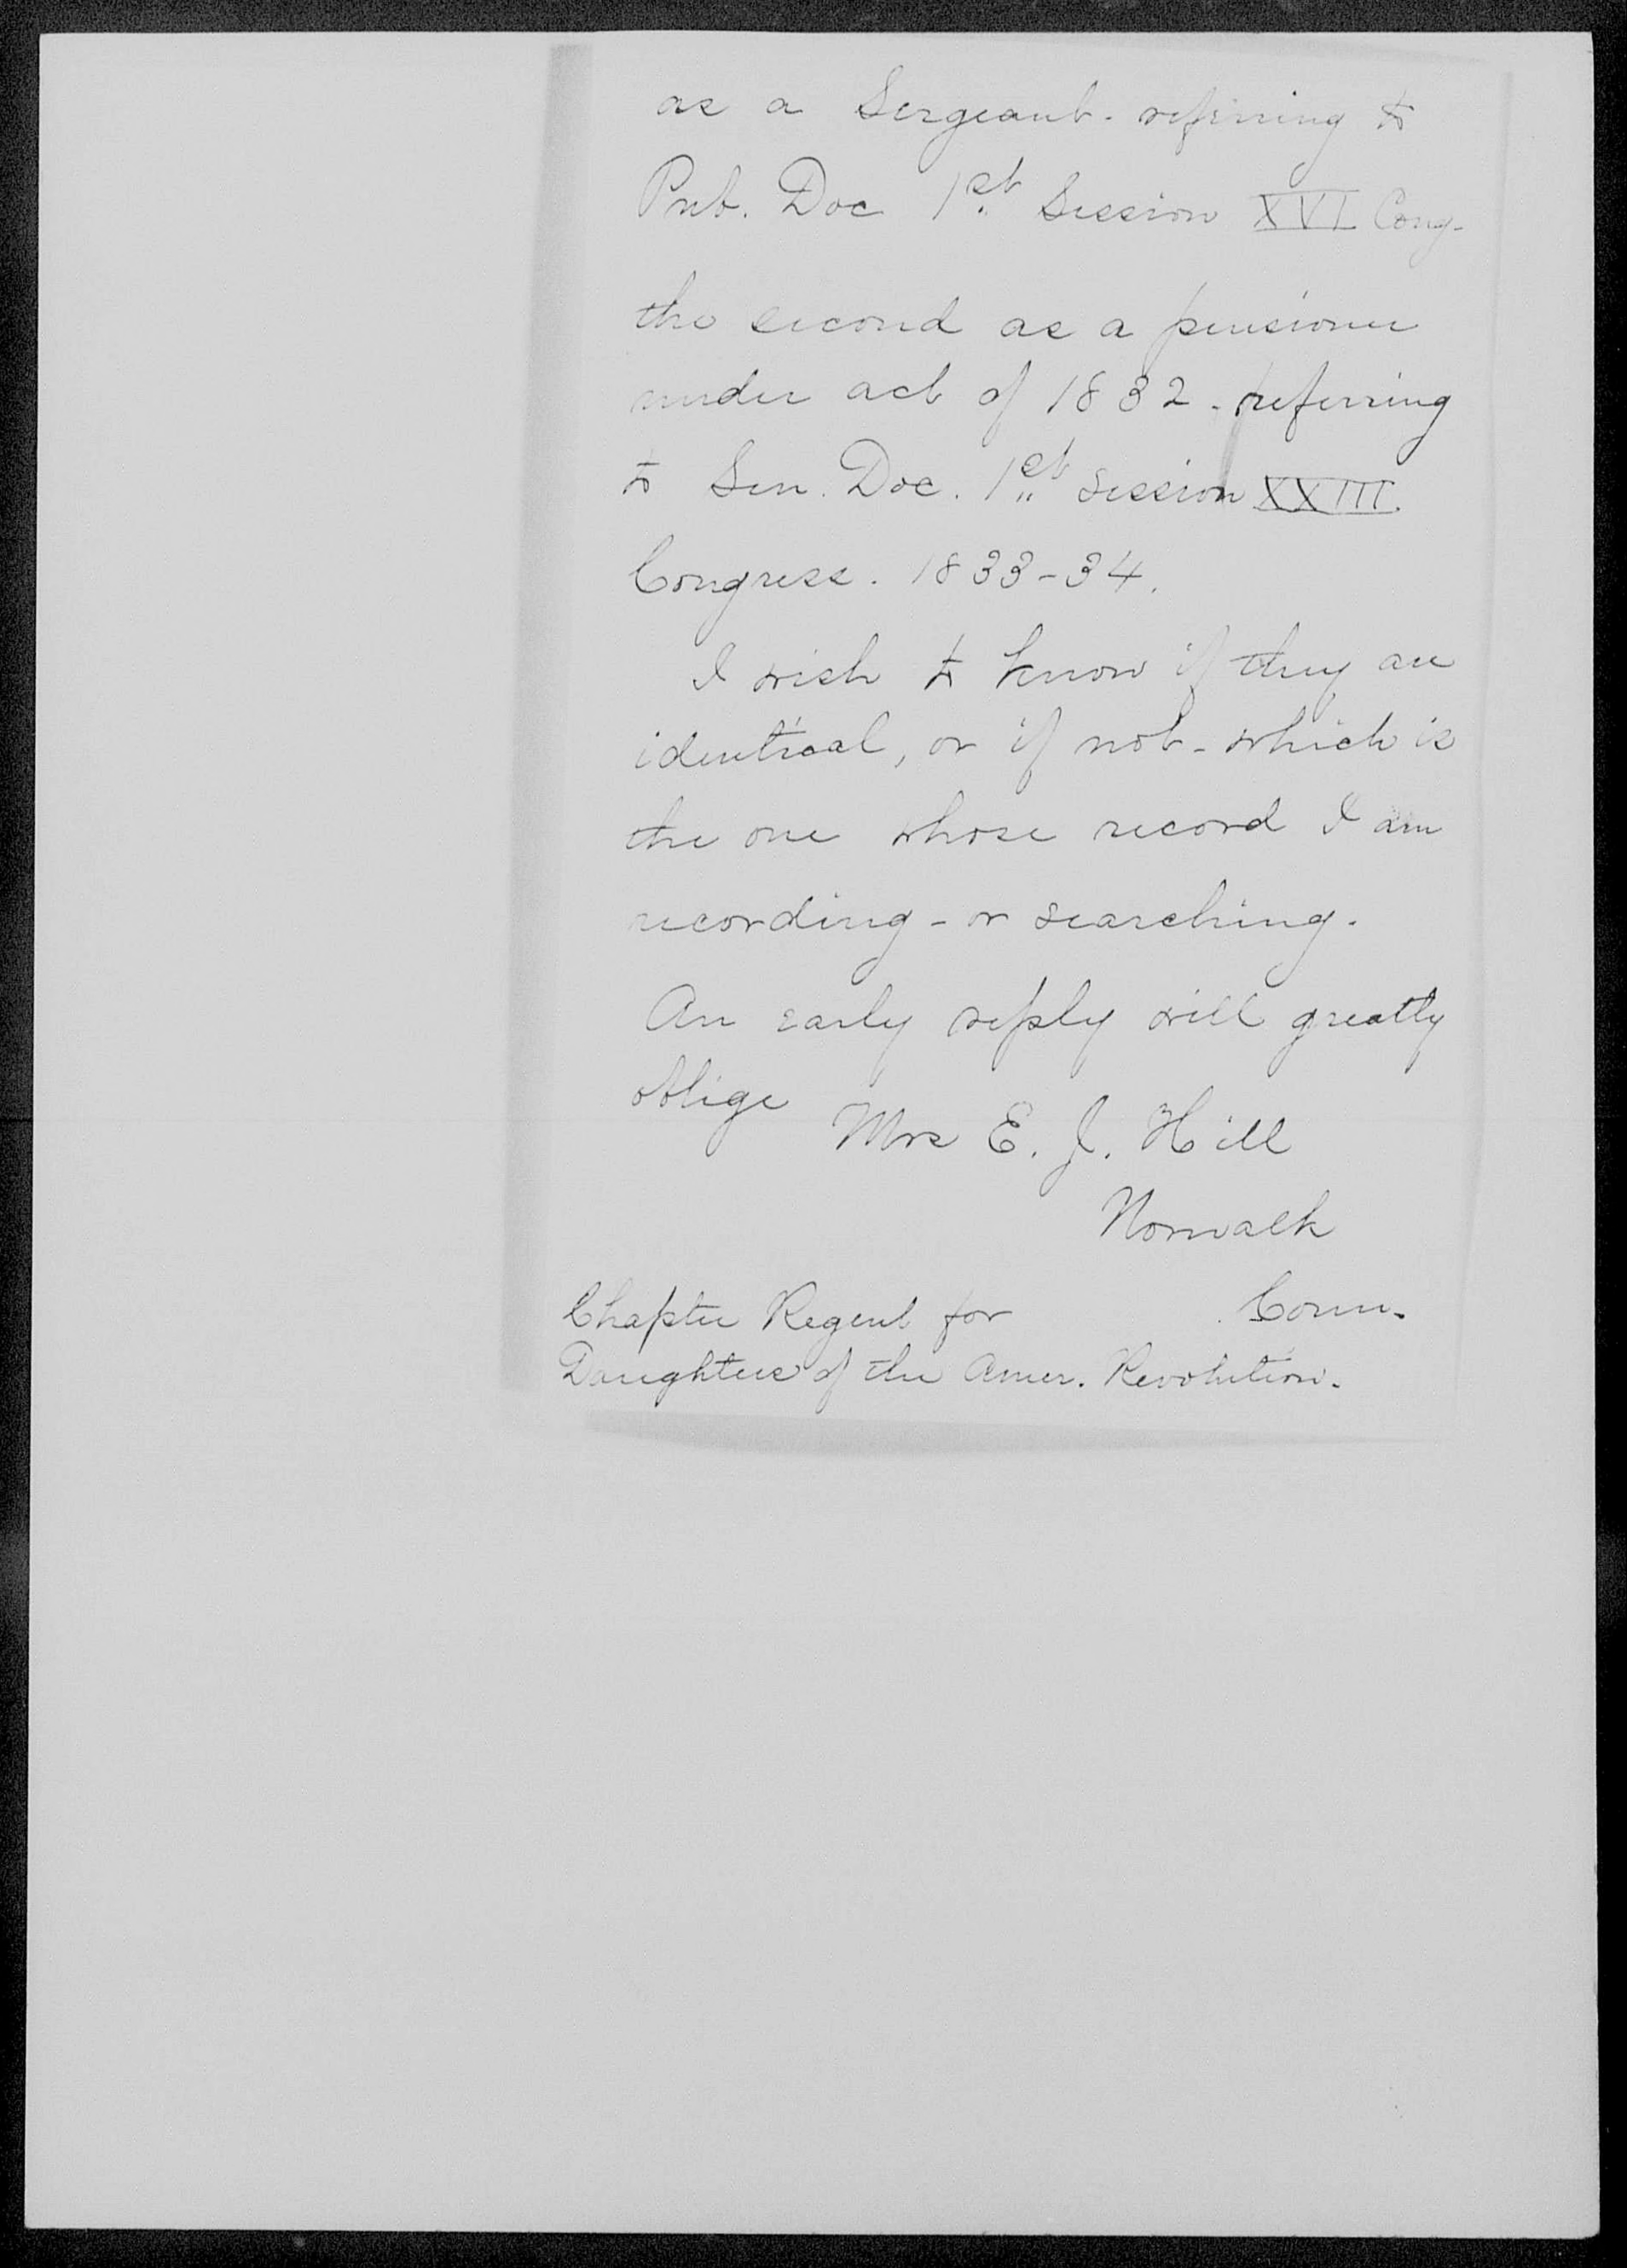as a Sergeant, referring to Pub. Doc 1st Session XVI Cong-
the second as a pensioner under act of 1832-referring to Sen. Doc. 1st Session XXIII
Congress 1833-34.
I wish to know if they are identical, or if not, which is the one whose record I am recording or searching. An early reply will greatly oblige.
Mrs. E. J. Hill
Norwalk
Conn.
Chapter Regent for
Daughters of the Amer. Revolution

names: E J Hill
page: 61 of 61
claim: widow's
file: W. 29,929, Hezekiah Betts, Conn.